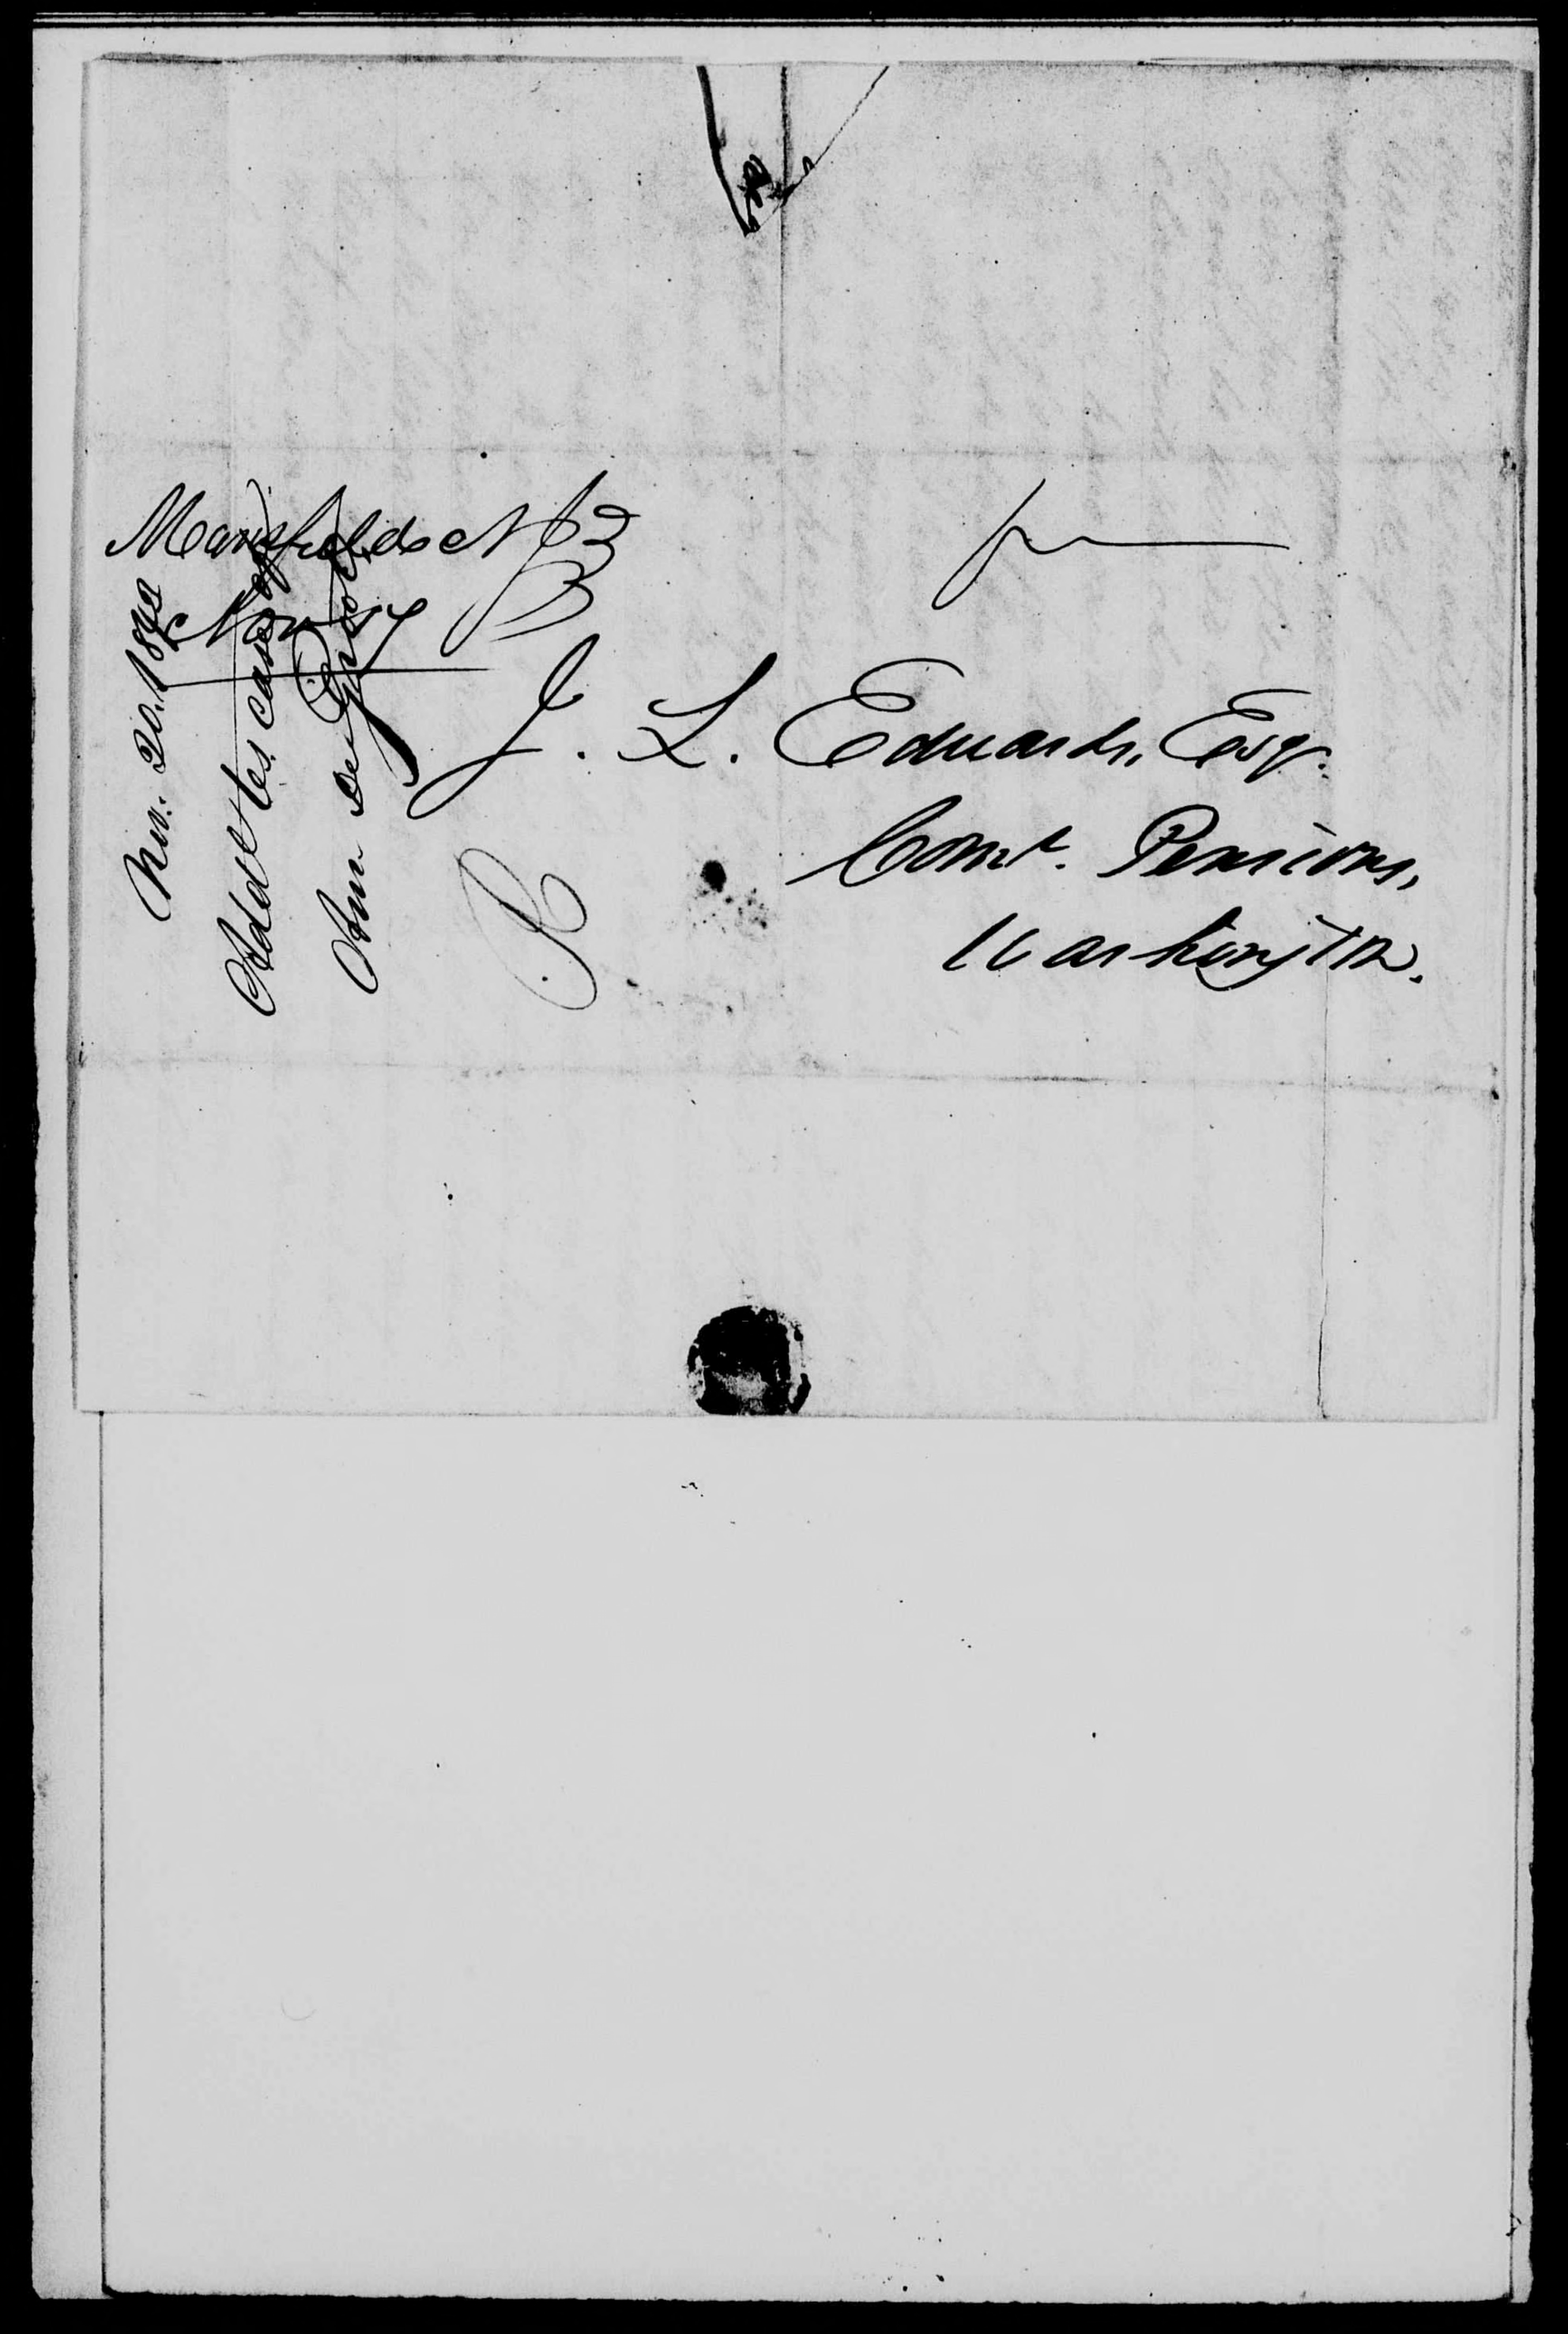Mansfield N.J.
[illegible] 

Nov. 20, 1843

Addl. tes. case of
Ann DeGroot
R

J.L. Edwards, Esq
Comr Pensions,
Washington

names: Ann De Groot, J L Edwards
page: 57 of 77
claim: widow's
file: W. 417, William De Groot, New Jersey